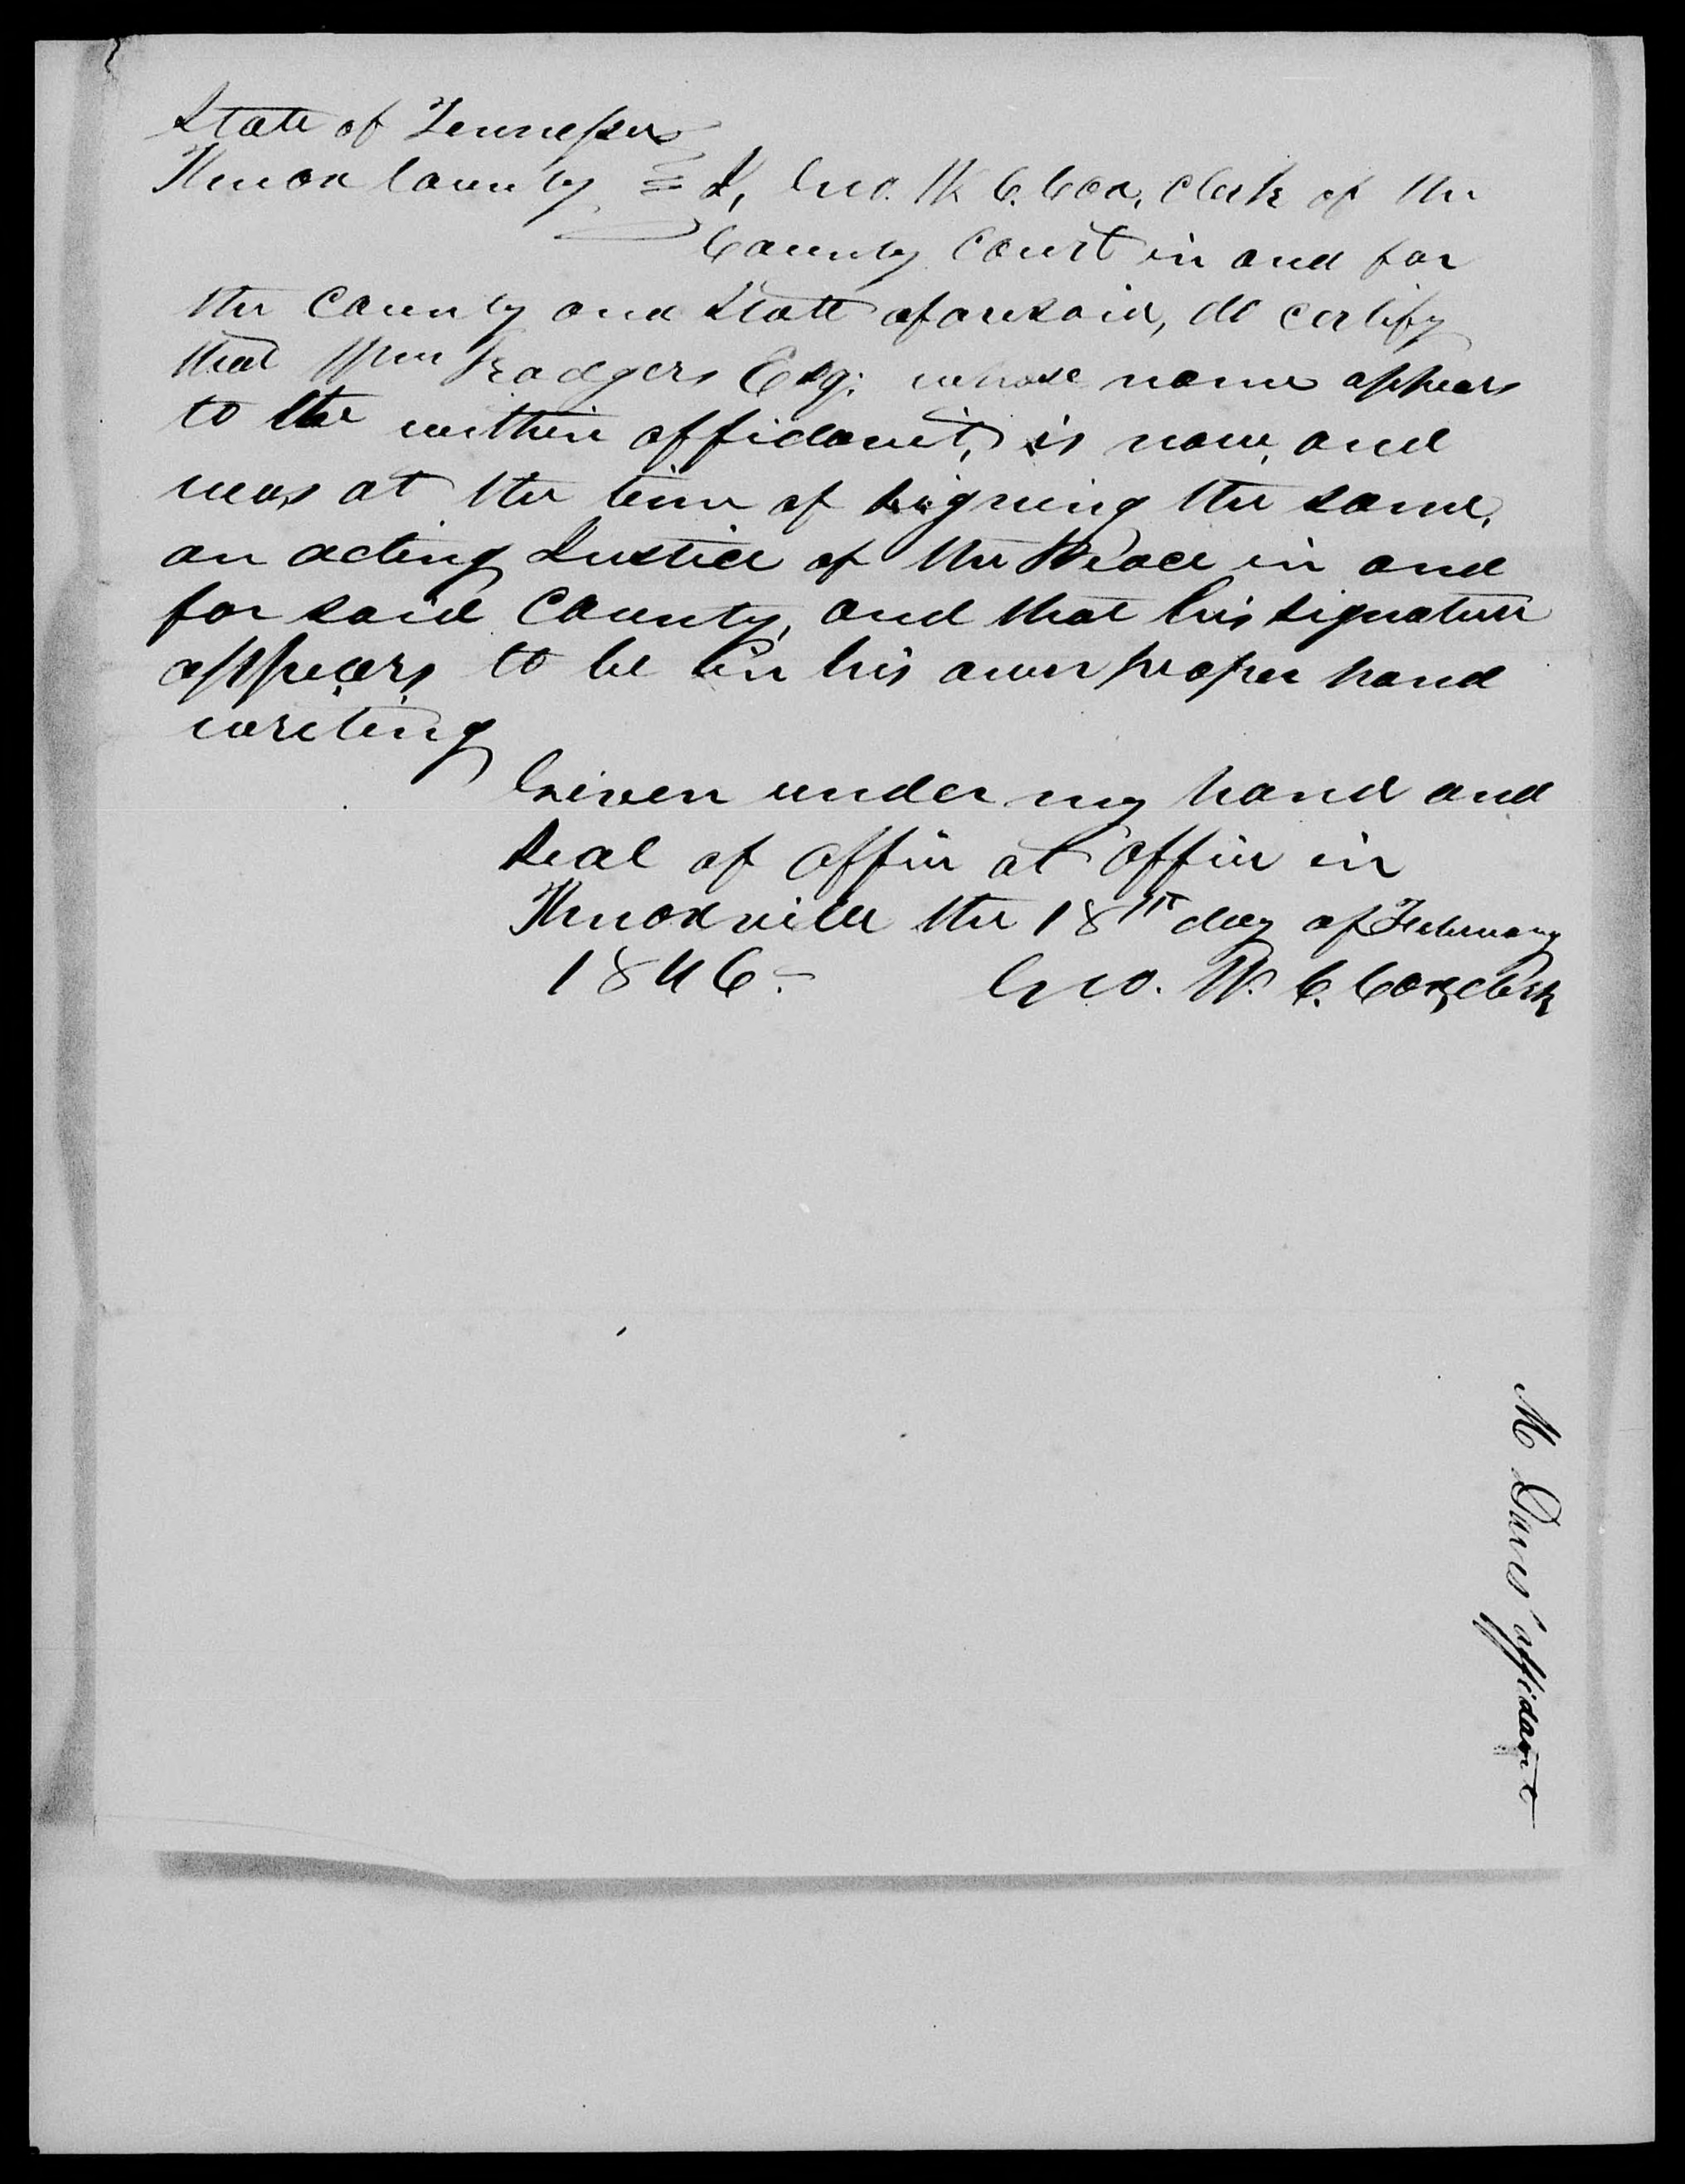State of Tennessee )
Knox County           )
I, Geo. W. C. Cox, Clerk of the
County Court in and for
the County and State aforesaid, do certify
that Wm Leadger Esq: whose name appears
to the within affidavit, is now and
was at the time of signing the same
an acting Justice of the Peace in and
for said County, and that his signature
appears to be in his own proper hand
writing
Given under my hand and
Seal of Office at Office in
Knoxville the 18th day of February
1846-
Geo. W. C. Cox clerk

[written vertically right side]
M Davis' affidavit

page: 55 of 120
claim: widow's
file: W. 1044, for Salathiel Martin, North Carolina